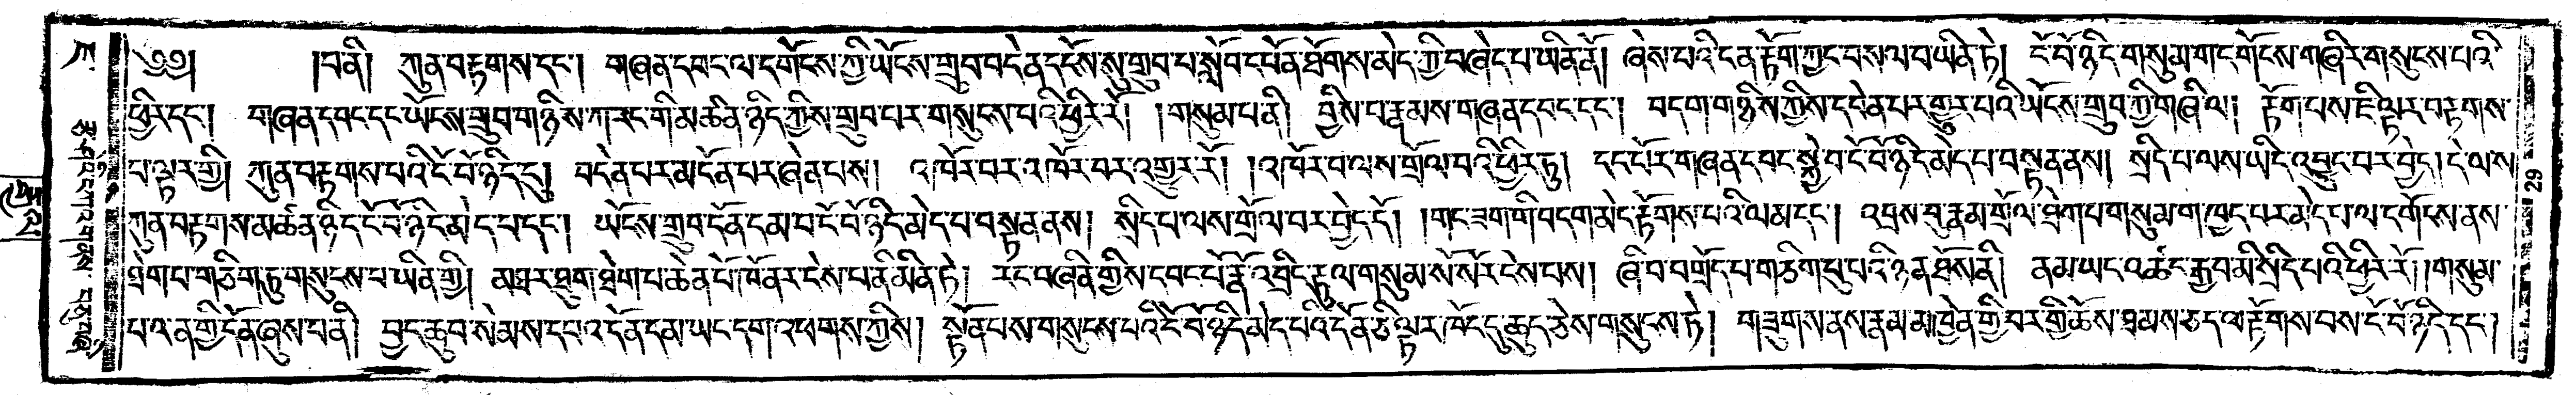༄༅། །པ་ནི། ཀུན་བརྟགས་དང་། གཞན་དབང་ལ་དགོངས་ཀྱི་ཡོངས་གྲུབ་བདེན་དངོས་སུ་གྲུབ་པ་སློབ་དཔོན་ཐོགས་མེད་ཀྱི་བཞེད་པ་ཡིན་ནོ། ཞེས་པའི་ངན་རྟོག་ཀྱང་བསལ་བ་ཡིན་ཏེ། ངོ་བོ་ཉིད་གསུམ་ག་དགོངས་གཞིར་གསུངས་པའི་
ཕྱིར་དང་། གཞན་དབང་དང་ཡོངས་གྲུབ་གཉིས་ཀ་རང་གི་མཚན་ཉིད་ཀྱིས་གྲུབ་པར་གསུངས་པའི་ཕྱིར་རོ། །གསུམ་པ་ནི། བྱིས་པ་རྣམས་གཞན་དབང་དང་། བདག་གཉིས་ཀྱིས་དབེན་པར་གྱུར་པའི་ཡོངས་གྲུབ་ཀྱི་གཞི་ལ། རྟོག་པས་ཇི་ལྟར་བརྟགས་
པ་ལྟར་གྱི། ཀུན་བརྟགས་པའི་ངོ་བོ་ཉིད་དུ། བདེན་པར་མངོན་པར་ཞེན་པས། འཁོར་བར་འཁོར་བར་འགྱུར་རོ། །འཁོར་བ་ལས་གྲོལ་བའི་ཕྱིར་ཏུ། དང་པོར་གཞན་དབང་སྐྱེ་བ་ངོ་བོ་ཉིད་མེད་པ་བསྟན་ནས། སྲིད་པ་ལས་ཡིད་འབྱུང་བར་བྱེད། དེ་ལས་
ཀུན་བརྟགས་མཚན་ཉིད་ངོ་བོ་ཉིད་མེད་པ་དང་། ཡོངས་གྲུབ་དོན་དམ་པ་ངོ་བོ་ཉིད་མེད་པ་བསྟན་ནས། སྲིད་པ་ལས་གྲོལ་བར་བྱེད་དོ། །གང་ཟག་གི་བདག་མེད་རྟོགས་པའི་ལམ་དང་། འབྲས་བུ་རྣམ་གྲོལ་ཐེག་པ་གསུམ་ག་ཁྱད་པར་མེད་པ་ལ་དགོངས་ནས་
ཐེག་པ་གཅིག་ཏུ་གསུངས་པ་ཡིན་གྱི། མཐར་ཐུག་ཐེག་པ་ཆེན་པོ་ཁོ་ནར་ངེས་པ་ནི་མིན་ཏེ། རང་བཞིན་གྱིས་དབང་པོ་རྣོ་འབྲིང་རྟུལ་གསུམ་སོ་སོར་ངེས་པས། ཞི་བ་བགྲོད་པ་གཅིག་པུ་པའི་ཉན་ཐོས་ནི། ནམ་ཡང་འཚང་རྒྱ་བ་མི་སྲིད་པའི་ཕྱིར་རོ། །གསུམ་
པ་ལན་?་གྱི་དོན་ཞུས་པ་ནི། བྱང་ཆུབ་སེམས་དཔའ་དོན་དམ་ཡང་དག་འཕགས་ཀྱིས། སྟོན་པས་གསུངས་པའི་ངོ་བོ་ཉིད་མེད་པའི་དོན་ཅི་ལྟར་ཁོང་དུ་ཆུད་ཅེས་གསུངས་ཏེ། གཟུགས་ནས་རྣམ་མཁྱེན་གྱི་བར་གྱི་ཆོས་ཐམས་ཅད་ལ་རྟོགས་པས་ངོ་བོ་ཉིད་དང་།